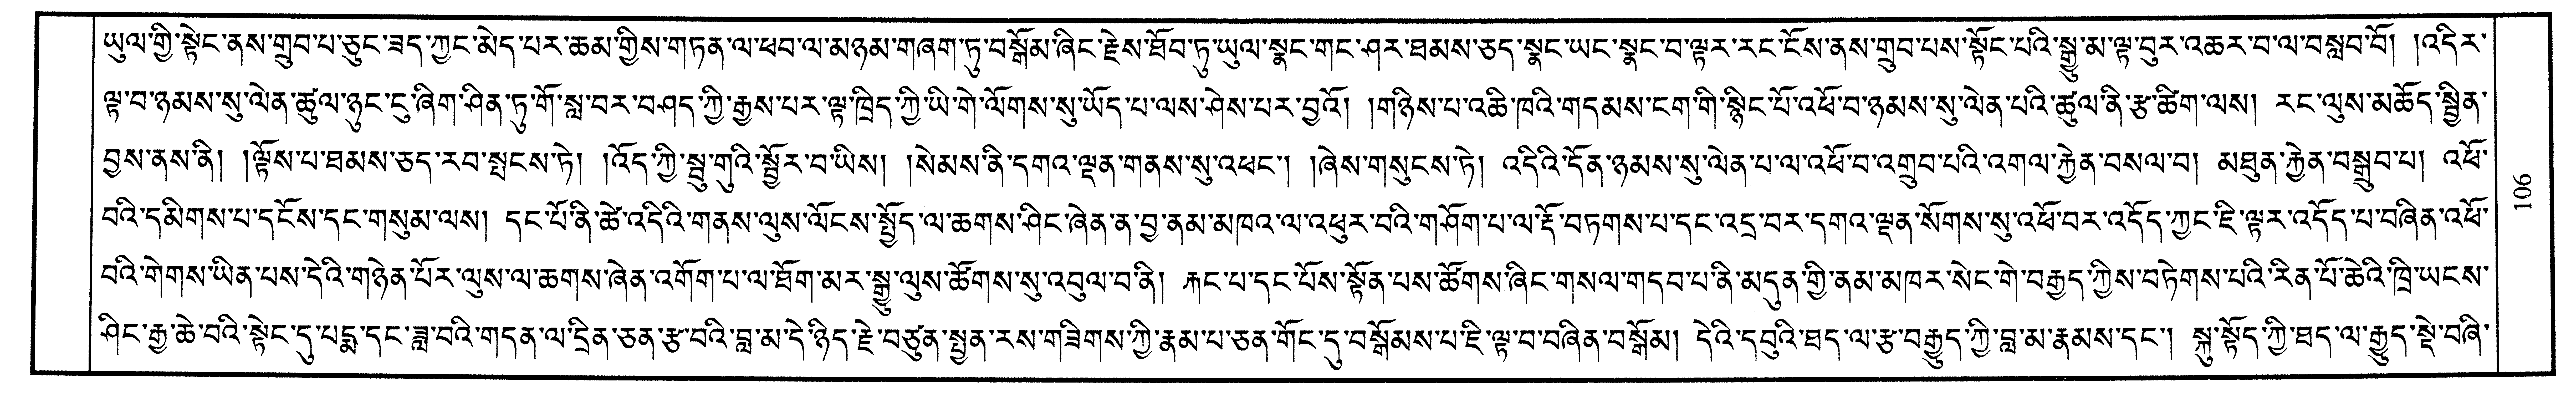ཡུལ་གྱི་སྟེང་ནས་གྲུབ་པ་ཅུང་ཟད་ཀྱང་མེད་པར་ཆམ་གྱིས་གཏན་ལ་ཕབ་ལ་མཉམ་གཞག་ཏུ་བསྒོམ་ཞིང་རྗེས་ཐོབ་ཏུ་ཡུལ་སྣང་གང་ཤར་ཐམས་ཅད་སྣང་ཡང་སྣང་བ་ལྟར་རང་ངོས་ནས་གྲུབ་པས་སྟོང་པའི་སྒྱུ་མ་ལྟ་བུར་འཆར་བ་ལ་བསླབ་བོ། །འདིར་
ལྟ་བ་ཉམས་སུ་ལེན་ཚུལ་ཉུང་ངུ་ཞིག་ཤིན་ཏུ་གོ་སླ་བར་བཤད་ཀྱི་རྒྱས་པར་ལྟ་ཁྲིད་ཀྱི་ཡི་གེ་ལོགས་སུ་ཡོད་པ་ལས་ཤེས་པར་བྱའོ། །གཉིས་པ་འཆི་ཁའི་གདམས་ངག་གི་སྙིང་པོ་འཕོ་བ་ཉམས་སུ་ལེན་པའི་ཚུལ་ནི་རྩ་ཚིག་ལས། རང་ལུས་མཆོད་སྦྱིན་
བྱས་ནས་ནི། །ལྟོས་པ་ཐམས་ཅད་རབ་སྤངས་ཏེ། །འོད་ཀྱི་སྦུ་གུའི་སྦྱོར་བ་ཡིས། །སེམས་ནི་དགའ་ལྡན་གནས་སུ་འཕང་། །ཞེས་གསུངས་ཏེ། འདིའི་དོན་ཉམས་སུ་ལེན་པ་ལ་འཕོ་བ་འགྲུབ་པའི་འགལ་རྐྱེན་བསལ་བ། མཐུན་རྐྱེན་བསྒྲུབ་པ། འཕོ་
བའི་དམིགས་པ་དངོས་དང་གསུམ་ལས། དང་པོ་ནི་ཚེ་འདིའི་གནས་ལུས་ལོངས་སྤྱོད་ལ་ཆགས་ཤིང་ཞེན་ན་བྱ་ནམ་མཁའ་ལ་འཕུར་བའི་གཤོག་པ་ལ་རྡོ་བཏགས་པ་དང་འདྲ་བར་དགའ་ལྡན་སོགས་སུ་འཕོ་བར་འདོད་ཀྱང་ཇི་ལྟར་འདོད་པ་བཞིན་འཕོ་
བའི་གེགས་ཡིན་པས་དེའི་གཉེན་པོར་ལུས་ལ་ཆགས་ཞེན་འགོག་པ་ལ་ཐོག་མར་སྒྱུ་ལུས་ཚོགས་སུ་འབུལ་བ་ནི། རྐང་པ་དང་པོས་སྟོན་པས་ཚོགས་ཞིང་གསལ་གདབ་པ་ནི་མདུན་གྱི་ནམ་མཁར་སེང་གེ་བརྒྱད་ཀྱིས་བཏེགས་པའི་རིན་པོ་ཆེའི་ཁྲི་ཡངས་
ཤིང་རྒྱ་ཆེ་བའི་སྟེང་དུ་པདམ་དང་ཟླ་བའི་གདན་ལ་དྲིན་ཅན་རྩ་བའི་བླ་མ་དེ་ཉིད་རྗེ་བཙུན་སྤྱན་རས་གཟིགས་ཀྱི་རྣམ་པ་ཅན་གོང་དུ་བསྒོམས་པ་ཇི་ལྟ་བ་བཞིན་བསྒོམ། དེའི་དབུའི་ཐད་ལ་རྩ་བརྒྱུད་ཀྱི་བླ་མ་རྣམས་དང་། སྐུ་སྟོད་ཀྱི་ཐད་ལ་རྒྱུད་སྡེ་བཞི་